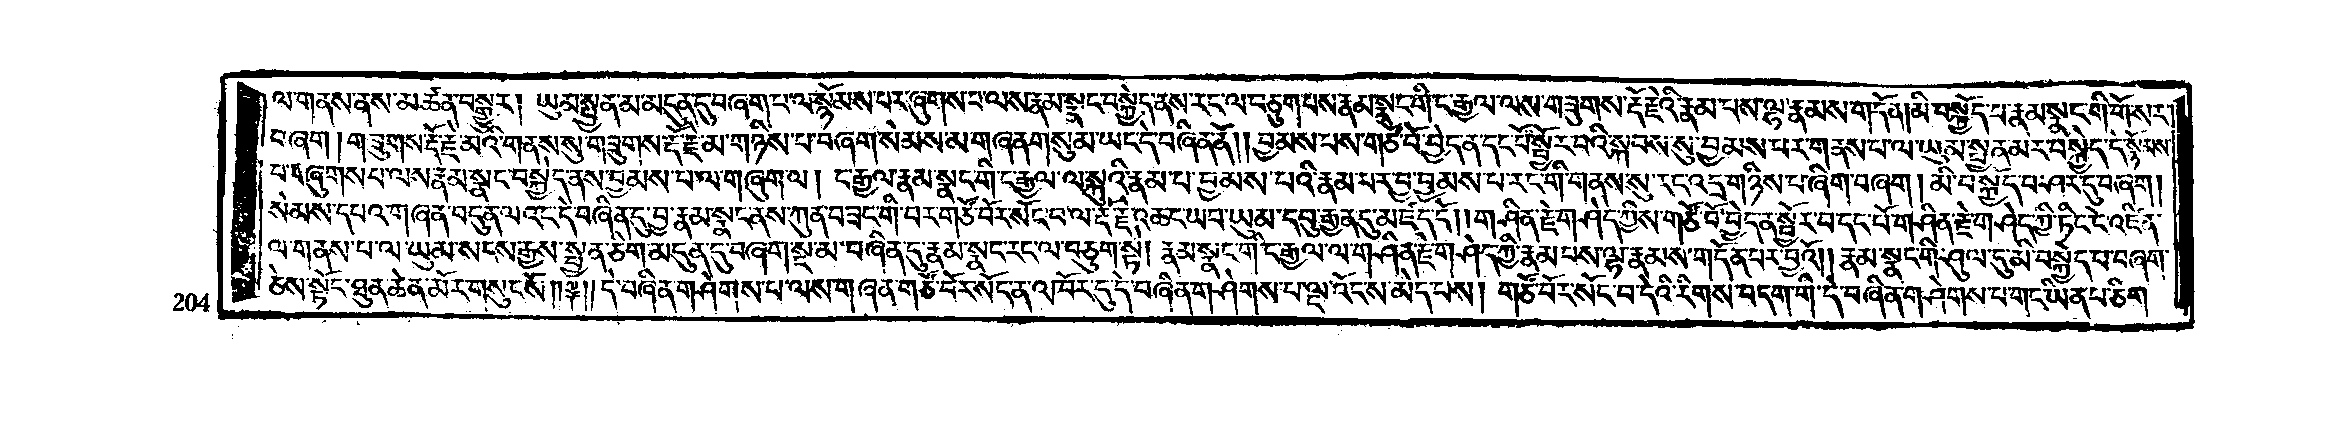ལ་གནས་ནས་མཚན་བསྒྱུར། ཡུམ་སྤྱན་མ་མདུན་དུ་བཞག་པ་ལ་སྙོམས་པར་ཞུགས་པ་ལས་རྣམ་སྣང་བསྐྱེད་ནས་རང་ལ་བཅུག་པས་རྣམ་སྣང་གི་ང་རྒྱལ་ལས་གཟུགས་རྡོ་རྗེའི་རྣམ་པས་ལྷ་རྣམས་གདོན། མི་བསྐྱོད་པ་རྣམ་སྣང་གི་གོ་སར་
བཞག །གཟུགས་རྡོ་རྗེ་མའི་གནས་སུ་གཟུགས་རྡོ་རྗེ་མ་གཉིས་པ་བཞག་སེམས་མ་གཞན་གསུམ་ཡང་དེ་བཞིན་ནོ། །བྱམས་པས་གཙོ་བོ་བྱེད་ན་དང་པོ་སྦྱོར་བའི་སྐབས་སུ་བྱམས་པར་གནས་པ་ལ་ཡུམ་སྤྱན་མར་བསྐྱེད་དེ་སྙོམས་
པར་ཞུགས་པ་ལས་རྣམ་སྣང་བསྐྱེད་ནས་བྱམས་པ་ལ་གཞུག་ལ། ང་རྒྱལ་རྣམ་སྣང་གི་ང་རྒྱལ་ལ་སྐུའི་རྣམ་པ་བྱམས་པའི་རྣམ་པར་བྱ་བྱམས་པ་རང་གི་གནས་སུ་རང་འདྲ་གཉིས་པ་ཞིག་བཞག །མི་བསྐྱོད་པ་ཤར་དུ་བཞག །
སེམས་དཔའ་གཞན་བདུན་ལའང་དེ་བཞིན་དུ་བྱ་རྣམ་སྣང་ནས་ཀུན་བཟང་གི་བར་གཙོ་བོར་སོང་བ་ལ་རྡོ་རྗེ་འཆང་ཡབ་ཡུམ་དབུ་རྒྱན་དུ་མཛད་དོ། །གཤིན་རྗེ་གཤེད་ཀྱིས་གཙོ་བོ་བྱེད་ན་སྦྱོར་བ་དང་པོ་གཤིན་རྗེ་གཤེད་ཀྱི་ཏིང་ངེ་འཛིན་
ལ་གནས་པ་ལ་ཡུམ་སངས་རྒྱས་སྤྱན་ཅིག་མདུན་དུ་བཞག་སྔ་མ་བཞིན་དུ་རྣམ་སྣང་རང་ལ་བཅུག་སྟེ། རྣམ་སྣང་གི་ང་རྒྱལ་ལ་གཤིན་རྗེ་གཤེད་ཀྱི་རྣམ་པས་ལྷ་རྣམས་གདོན་པར་བྱའོ། །རྣམ་སྣང་གི་ཤུལ་དུ་མི་བསྐྱོད་པ་བཞག་
ཅེས་སྟོང་ཐུན་ཆེན་མོར་གསུངས་སོ།། ༈ །།དེ་བཞིན་གཤེགས་པ་ལས་གཞན་གཙོ་བོར་སོང་ན་འཁོར་དུ་དེ་བཞིན་གཤེགས་པ་ལྔ་འོང་ས་མེད་པས། གཙོ་བོར་སོང་བ་དེའི་རིགས་བདག་གི་དེ་བཞིན་གཤེགས་པ་གང་ཡིན་པ་ཅིག་